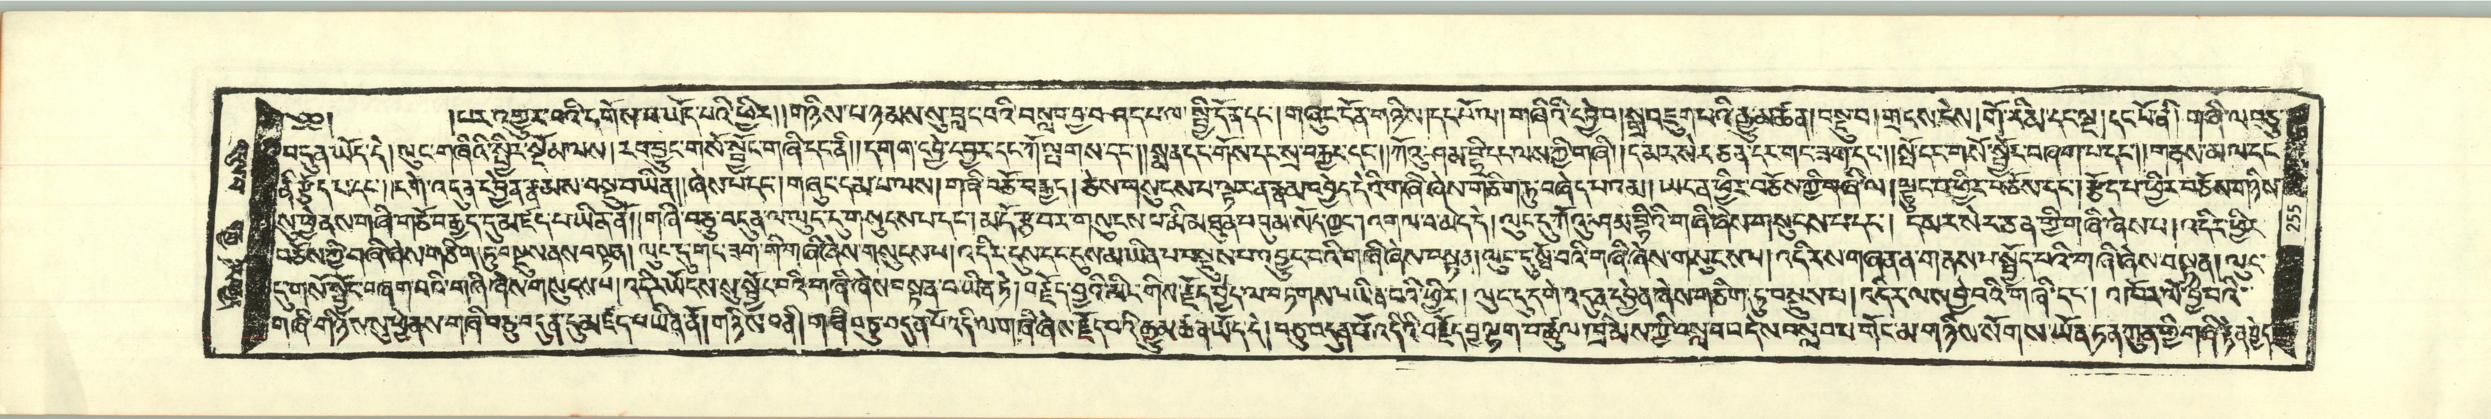༄༅། །པར་འགྱུར་བའི་དགོས་པ་ཡོད་པའི་ཕྱིར། །གཉིས་པ་ཉམས་སུ་བླང་བའི་བསླབ་བྱ་བཤད་པ་ལ། སྤྱི་དོན་དང་། གཞུང་དོན་གཉིས། དང་པོ་ལ། གཞིའི་དབྱེ་བ། སྒྲ་འཇུག་པའི་རྒྱུ་མཚན། བསྡུ་བ། གྲངས་ངེས། གོ་རིམ་དང་ལྔ། དང་པོ་ནི། གཞི་ལ་བཅུ་
བདུན་ཡོད་དེ། ལུང་གཞིའི་སྤྱིར་སྡོམ་ལས། རབ་བྱུང་གསོ་སྦྱོང་གཞི་དང་ནི། །དགག་དབྱེ་དབྱར་དང་ཀོ་ལྤགས་དང་། །སྨན་དང་གོས་དང་སྲ་བརྐྱང་དང་། །ཀོའུ་ཤམ་བྷི་དང་ལས་ཀྱི་གཞི། །དམར་སེར་ཅན་དང་གང་ཟག་དང་། །སྤོ་དང་གསོ་སྦྱོར་བཞག་པ་དང་། །གནས་མ་ལ་དང་
ནི་རྩོད་པ་དང་། །དགེ་འདུན་དབྱེན་རྣམས་བསྡུ་བ་ཡིན། །ཞེས་པ་དང་། གཞུང་དམ་པ་ལས། གཞི་བཅོ་བརྒྱད། ཅེས་གསུངས་པ་ལྟར་ན་རྣམ་འབྱེད་དེའི་གཞི་ཞེས་གཅིག་ཏུ་བཞེད་པ་འམ། ཡང་ན་ཕྱིར་བཅོས་ཀྱི་གཞི་ལ། ལྟུང་བ་ཕྱིར་བཅོས་དང་། རྩོད་པ་ཕྱིར་བཅོས་གཉིས་
སུ་ཕྱེ་ནས་གཞི་གཅོ་བརྒྱད་དུ་མཛད་པ་ཡིན་ནོ། །གཞི་བཅུ་བདུན་ལ་ལུང་དུ་གསུངས་པ་དང་། མདོ་རྩ་བར་གསུངས་པ་མི་མཐུན་པ་བུམ་སོད་ཀྱང་། འགལ་བ་མེད་དེ། ལུང་དུ་ཀོའུ་ཤམ་བཏིའི་གཞི་ཞེས་གསུངས་པ་དང་། དམར་སེར་ཅན་གྱི་གཞི་ཞེས་པ། འདིར་ཕྱིར་
བཅོས་ཀྱི་བཞི་ཞེས་གཅིག་ཏུ་བསྡུས་ནས་བསྟན། ལུང་དུ་གང་ཟག་གི་གཞི་ཞེས་གསུངས་པ། འདིར་དུས་དང་དུས་མ་ཡིན་པ་བསྡུས་པ་འབྱུང་བའི་གཞི་ཞེས་བསྟན། ལུང་དུ་སྤོ་བའི་གཞི་ཞེས་གསུངས་པ། འདིར་ས་གཞན་ན་གནས་པ་སྤྱོད་པའི་གཞི་ཞེས་བསྟན། ལུང་
དུ་གསོ་སྦྱོང་བཞག་བའི་གཞི་ཞེས་གསུངས་པ། འདིར་ཡོངས་སུ་སྦྱོང་བའི་གཞི་ཞེས་བསྟན་བ་ཡིན་ཏེ། བརྗོད་བྱའི་མིང་གིས་རྗོད་བྱེད་ལ་བཏགས་པ་ཡིན་པའི་ཕྱིར། ལུང་དུང་དགེ་འདུན་དབྱེན་ཞེས་གཅིག་ཏུ་བསྡུས་པ། འདིར་ལས་བྱེ་བའི་གཞི་དང་། འཁོར་ལོ་བྱ་བའི་
གཞི་གཉིས་སུ་ཕྱེ་ནས་གཞི་བཅུ་བདུན་དུ་མཛད་པ་ཡིན་ནོ། །གཉིས་པ་ནི། གཞི་བཅུ་བདུན་པོ་འདི་ལ་གཞི་ཞེས་རྗོད་པའི་རྒྱུ་མཚན་ཡོད་དེ། བཅུ་བདུན་པོ་འདིའི་བརྗོད་བྱ་ལྷག་བ་ཚུལ་ཁྲིམས་ཀྱི་བསླབ་བདེས་བསླབ་པ་གོང་མ་གཉིས་སོགས་ཡོན་ཏན་ཀུན་གྱི་གཞི་རྟེན་བྱེད་